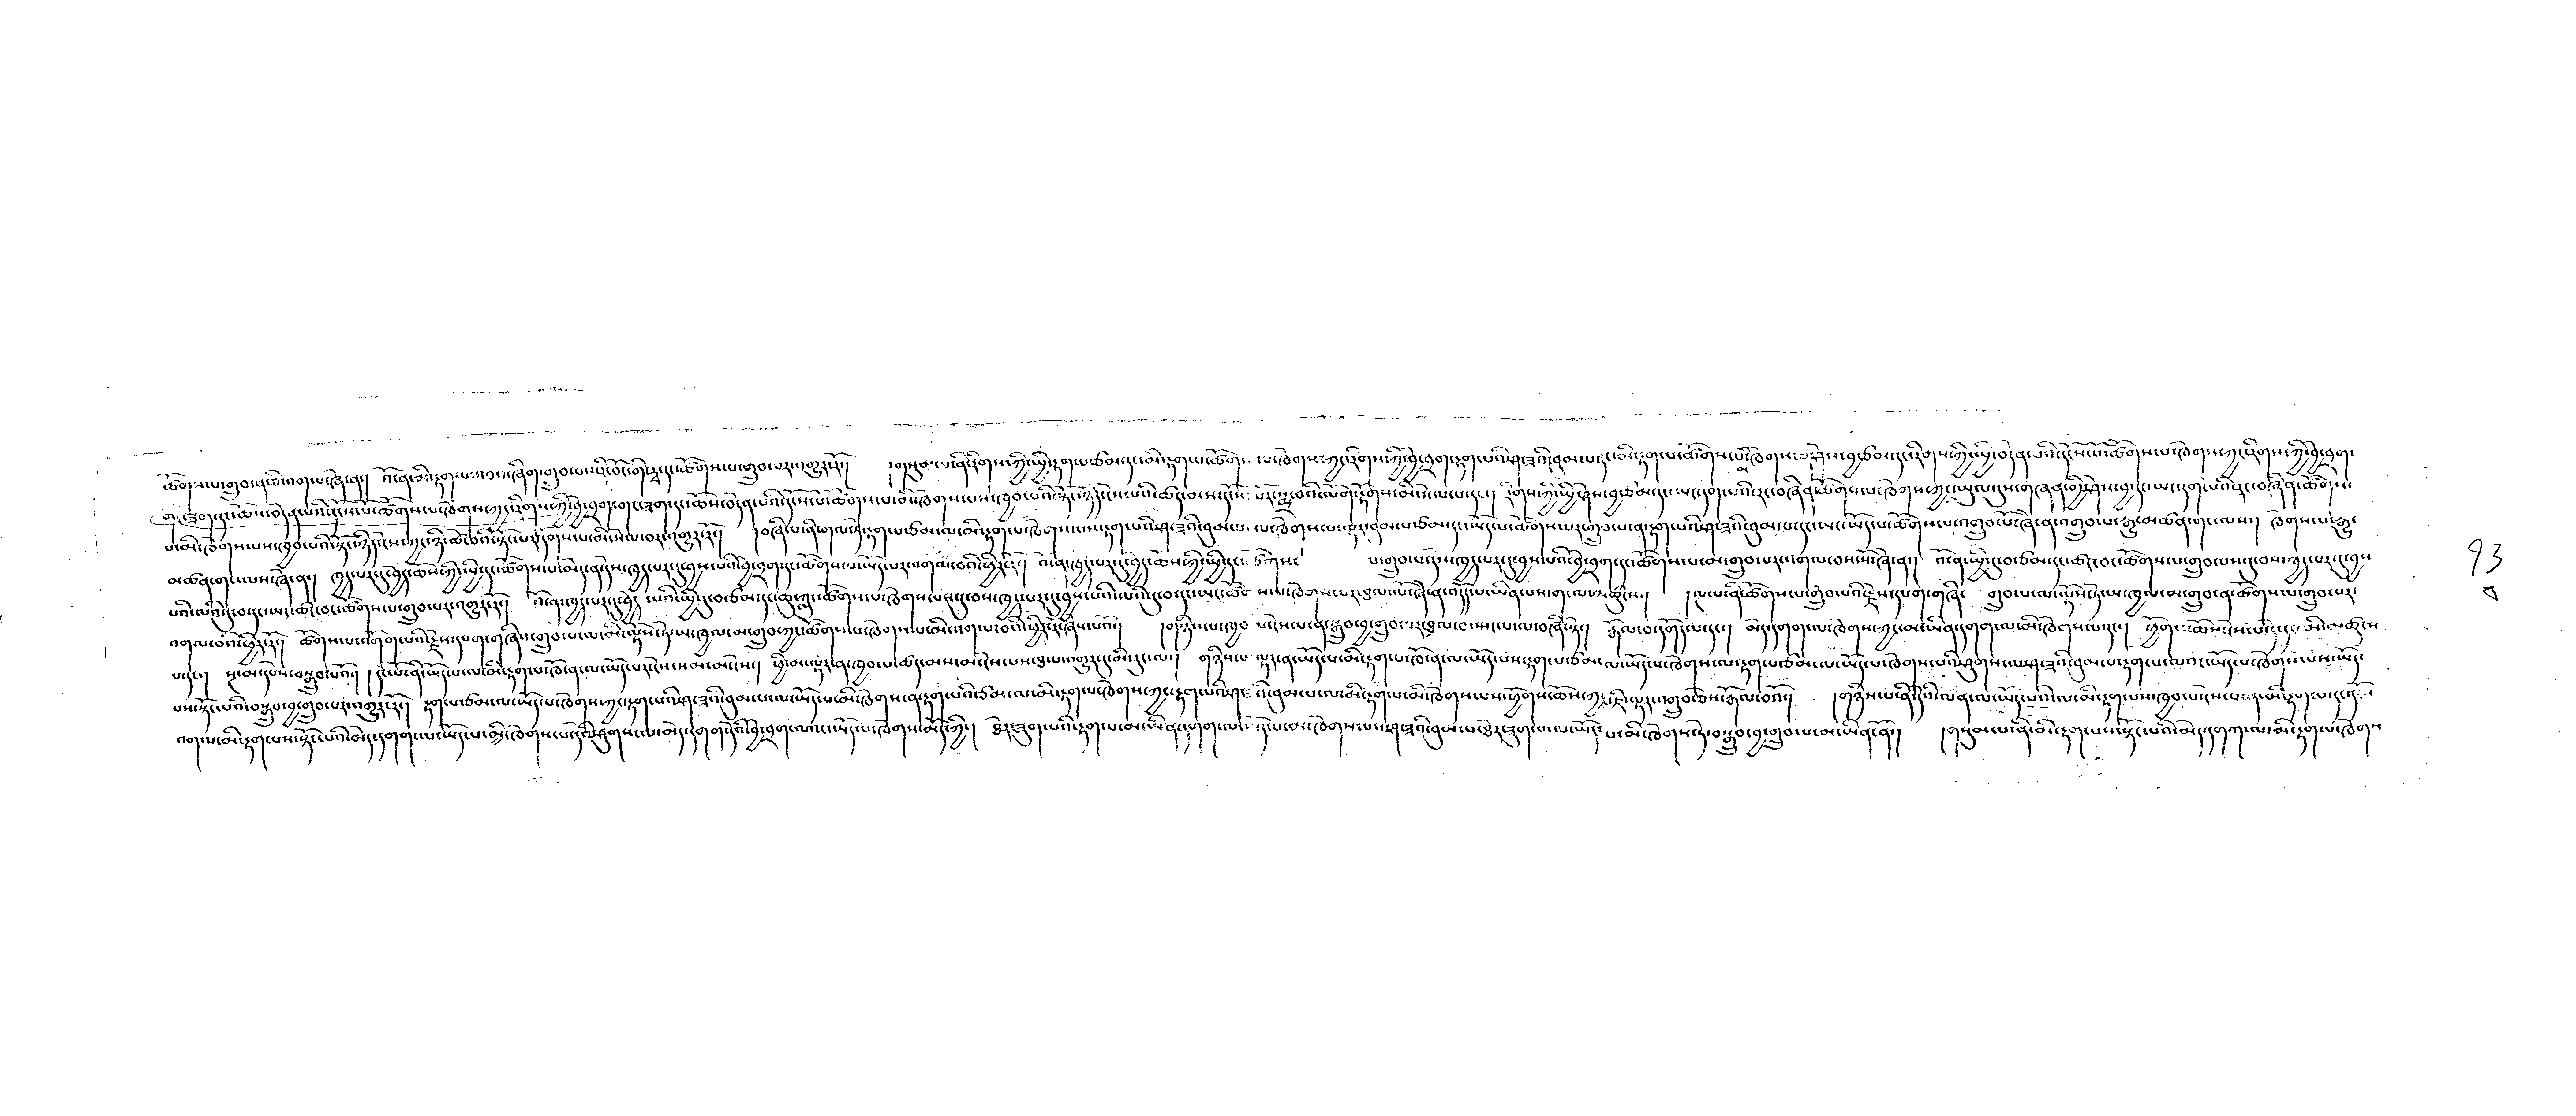ཚོགས་པ་གྲུབ་ན་ཅི་འགལ་ཞེ་ན། འོ་ན་མི་རྟག་པ་འབའ་ཞིག་གྲུབ་པས་རི་བོང་གི་རྭ་དང་ཚོགས་པ་གྲུབ་པར་འགྱུར་རོ། །གསུམ་པ་ནི་རིགས་ཀྱི་སྤྱི་རྟག་པ་ཙམ་དང་མི་རྟག་པ་ཚོགས་པ་ཁེགས་ཀྱང་རིགས་ཀྱི་བྱེ་བྲག་རྟག་པའི་ཤ་ཟའི་བུམ་པ་དང་མི་རྟག་པ་ཚོགས་པ་མ་ཁེགས་ན་ཤེས་བྱ་ཙམ་དང་རིགས་ཀྱི་སྤྱི་བདེན་པའི་དངོས་པོ་ཚོགས་པ་ཁེགས་ཀྱང་རིགས་ཀྱི་བྱེ་བྲག་
གང་ཟག་དང་ཆོས་བདེན་པའི་དངོས་པོ་ཚོགས་པ་ཁེགས་ཀྱང་རིགས་ཀྱི་བྱེ་བྲག་གང་ཟག་དང་ཆོས་བདེན་པའི་དངོས་པོ་ཚོགས་པ་མི་ཁེགས་པས་ཁྱབ་པའི་སྟོང་ཉིད་ངེས་པའི་ཚད་མས་དངོས་པོར་སྨྲ་བའི་ལོག་རྟོགས་མི་སེལ་པ་དང་། རིགས་ཀྱི་སྤྱི་ཤེས་བྱ་ཙམ་དང་ཡང་དག་པའི་རང་བཞིན་ཚོགས་པ་ཁེགས་ཀྱང་ཡུལ་དུས་གཞན་གྱི་ཤེས་བྱ་དང་ཡང་དག་པའི་རང་བཞིན་ཚོགས་
པ་མི་ཁེགས་པས་ཁྱབ་པའི་སྟོང་ཉིད་ངེས་ཀྱང་ཉི་ཚེ་བའི་སྟོང་པར་དོགས་པ་མི་སེལ་བར་འགྱུར་རོ། །བཞི་པ་ནི་གལ་ཏེ་རྟག་པ་ཙམ་ལ་མི་རྟག་པ་ཁེགས་པས་རྟག་པའི་ཤ་ཟའི་བུམ་པ་ལ་ཁེགས་པ་ལྟར་བུམ་པ་ཙམ་དང་ཡོད་པ་ཚོགས་པར་གྲུབ་པ་ན་རྟག་པའི་ཤ་ཟའི་བུམ་པ་དང་ཡང་ཡོད་པ་ཚོགས་པ་འགྲུབ་པོ་ཞེ་ན་འགྲུབ་པ་རྒྱུ་མཚན་གང་ལས། ཁེགས་པ་རྒྱུ་
མཚན་གང་ལས་ཞེ་ན། ཁྱད་པར་དུ་བྱེད་ཆོས་ཀྱི་སྤྱི་དང་ཚོགས་པ་མེད་ན་དེས་ཁྱད་པར་དུ་བྱས་པའི་བྱེ་བྲག་དང་ཚོགས་པ་ཡོད་པར་འགལ་བའི་ཕྱིར་རོ། འོ་ན་ཁྱད་པར་དུ་བྱེད་ཆོས་ཀྱི་སྤྱི་དང་ཚོགས་པ་གྲུབ་པ་དེས་ཁྱད་པར་དུ་བྱས་པའི་བྱེ་བྲག་དང་ཚོགས་པ་མ་གྲུབ་པར་འགལ་བས་སོ་ཞེ་ན། འོ་ན་སྤྱི་དུ་བ་ཙམ་དང་ཚང་བང་ཚོགས་པ་གྲུབ་པས་དུ་བས་ཁྱད་པར་དུ་བྱས་
པའི་ལའི་དུ་བ་དང་ཡང་ཚང་བང་ཚོགས་པ་གྲུབ་པར་འགྱུར་རོ། འོ་ན་ཁྱད་པར་དུ་བྱེད་པའི་སྤྱི་དུ་བ་ཙམ་དང་ཆུ་ཀླུང་ཚོགས་པ་ཁེགས་པས་དུ་བས་ཁྱད་པར་དུ་བྱས་པའི་ལའི་དུ་བ་དང་ཡང་ཚོགས་པ་ཁེགས་པར་ཐལ་ལོ་ཞེ་ན་འདོད་པ་ཡིན་པས་ག་ལ་མཚུངས། །ལྔ་པ་ནི་ཚོགས་པ་སྒྲུབ་པའི་རྗེས་དཔག་གཞི་གྲུབ་པ་ལ་ལྟོས་ཏེ་ཡང་ཁྱལ་མ་གྲུབ་ན་ཚོགས་པ་གྲུབ་པར་
འགལ་བའི་ཕྱིར་རོ། ཚོགས་པ་འགོག་པའི་རྗེས་དཔག་གཞིའ་གྲུབ་པ་ལ་མི་ལྟོས་ཏེ་ཡང་ཁྱལ་མ་གྲུབ་ཀྱང་ཚོགས་པ་ཁེགས་པ་མི་འགལ་བའི་ཕྱིར་རོ་ཞེས་པའོ། །གཉིས་པ་ཁྱབ་པ་ངེས་པ་ན་སྒྲུབ་བྱ་གྲུབ་པར་ཐལ་བ་སྤང་པ་ལ་བཞི་སྟེ། རྒོལ་བ་དགོད་པ་དང་། མེད་དགག་ལ་ཁེགས་ཀྱང་མ་ཡིན་དགག་ལ་མི་ཁེགས་པ་དང་། ཕྱོགས་ཆོས་ངེས་པ་དེ་དང་མི་མཚུངས་
པ་དང་། སྔ་མ་དཔེས་བསྒྲུབ་པའོ། །དང་པོ་ནི་ཡོད་པ་ལ་མི་རྟག་པ་ཁོ་ན་ལ་ཡོད་པར་ངེས་སམ་མ་ངེས། ཕྱི་མ་ལྟར་ན་ཁྱབ་པ་ཚད་མས་མ་ངེས་པས་ཐལ་འགྱུར་དུ་མི་རུང་ལ། གཉིས་པ་ལྟར་ན་ཡོད་པ་མི་རྟག་པ་ཁོ་ན་ལ་ཡོད་པས་རྟག་པ་ཙམ་ལ་ཡོད་པ་ཁེགས་ལ་རྟག་པ་ཙམ་ལ་ཡོད་པ་ཁེགས་པའི་ཤུགས་ལ་ཤ་ཟའི་བུམ་པ་རྟག་པ་ལའང་ཡོད་པ་ཁེགས་པས་ཡོད་
པས་སྟོང་པའི་བསྒྲུབ་བྱ་གྲུབ་པར་འགྱུར་རོ། རྟག་པ་ཙམ་ལ་ཡོད་པ་ཁེགས་ཀྱང་རྟག་པའི་ཤ་ཟའི་བུམ་པ་ལ་ཡོད་པ་མི་ཁེགས་ན་རྟག་པའི་ཙམ་ལ་མི་རྟག་པ་ཁེགས་ཀྱང་རྟག་པའི་ཤ་ཟའི་བུམ་པ་ལ་མི་རྟག་པ་མི་ཁེགས་པས་ཕྱོགས་ཆོས་ཀྱང་ཇི་ལྟར་འགྲུབ་ཅེས་རྒོལ་བའོ། །གཉིས་པ་ནི་དེའི་ལན་ལ་ཡོད་པའི་ལ་མི་རྟག་པས་ཁྱབ་པ་ངེས་པ་ན་མི་རྟག་པ་དང་དངོས་
འགལ་མི་རྟག་པས་སྟོང་པའི་མེད་དགག་པ་ཡོད་པ་མི་ཁེགས་པ་དེའི་ཤུགས་ལ་མེད་དགག་དེའི་བྱེ་བྲག་ལའང་ཡོད་པ་ཁེགས་མོད་ཀྱི། ཐེར་ཟུག་པའི་རྟག་པ་མ་ཡིན་དགག་ལ་ཡོད་པ་མ་ཁེགས་པས་ཤ་ཟའི་བུམ་པ་ཐེར་ཟུག་པ་ལ་ཡོད་པ་མི་ཁེགས་ཏེ་བསྒྲུབ་བྱ་གྲུབ་པ་མ་ཡིན་ནོ། །གསུམ་པ་ནི་མི་རྟག་པས་སྟོང་པའི་མེད་དགག་ལ་མི་རྟག་པ་ཁེགས་